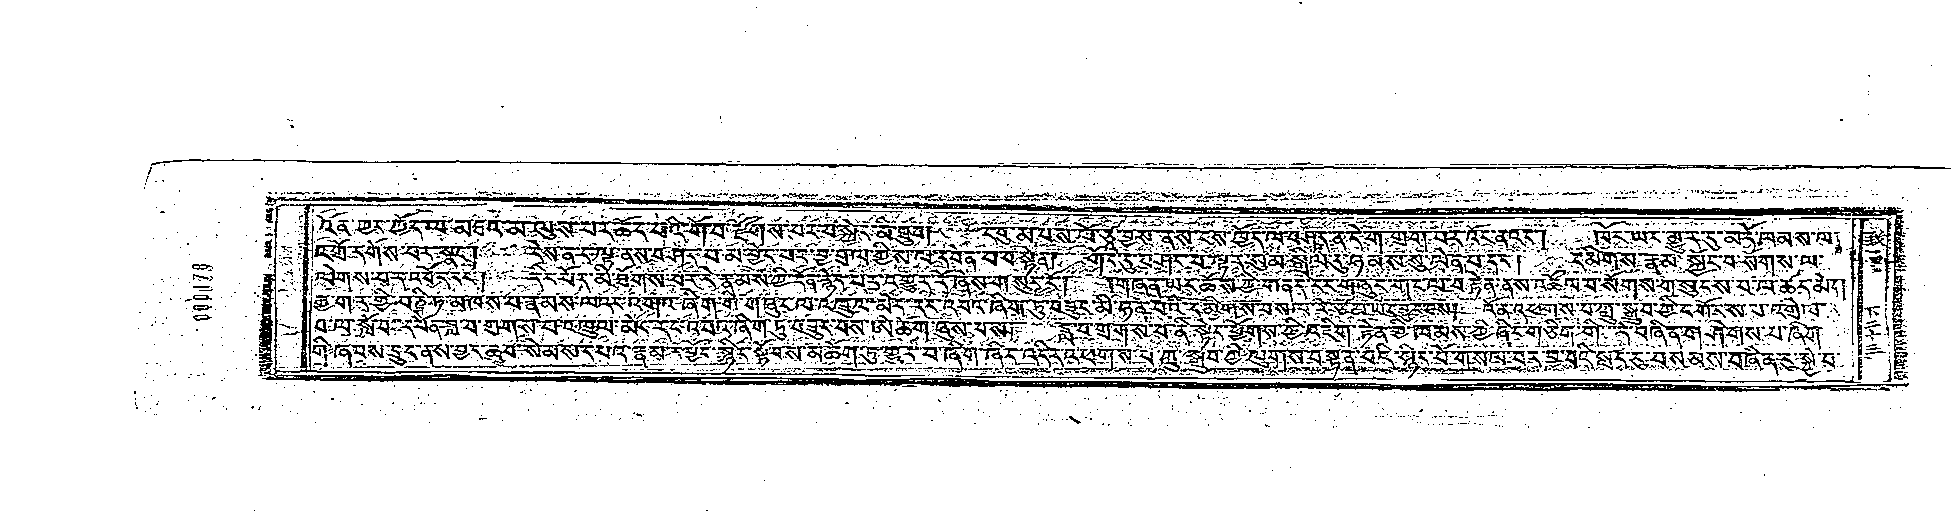འོན་ཀྱང་ཁྱོད་ལ་མཐའ་མ་ལུས་པར་ཆོད་པའི་གོ་བ་རྫོགས་པར་བསྐྱེད་མི་ཐུབ། དབུ་མ་པས་ལོ་ཙཱ་བྱས་ནས་ངས་ཁྱོད་ལ་བཤད་ན་དེ་ག་གྲག་པར་འོང་ནའང་། ཁོང་ཡང་མྱུར་དུ་མདོ་ཁམས་ལ་
འགྲོ་དགོས་པར་སྣང་།དེས་ན་ད་ལྟ་ནས་བཤད་པ་མ་བྱེད་པར་བྱ་བྲལ་གྱིས་ལ་དབེན་བ་བསྟེན། གོང་དུ་བཤད་པ་ལྟར་སུམ་སྒྲིལ་དུ་ཉམས་སུ་ལེན་པ་དང་། དམིགས་རྣམ་སྐྱོང་བ་སོགས་ལ་
ལེགས་པར་འབོད་དང་། རིང་པོར་མི་ཐོགས་པར་དེ་རྣམས་ཀྱི་དོན་རྙེད་པར་འགྱུར་རོ་ཞེས་གསུང་ངོ། །གཞན་ཡང་ཆོས་ཀྱི་གནད་དང་གཞུང་གང་ལ་བརྟེན་ནས་འཚོལ་བ་སོགས་གསུངས་པ་ལ་ཚད་མེད།
རྒྱ་གར་གྱི་པཎྚི་ཏ་མཁས་པ་རྣམས་ལའང་འགའ་ཞིག་གི་གཞུང་ལ་འཁྲུལ་མེད་རང་འབའ་ཞིག་ཏུ་བཟུང་མི་ཉན་པའི་དམིགས་བསལ་རེ་ཙམ་ཡང་བྱུང་བས། འོ་ན་འཕགས་པ་ཀླུ་སྒྲུབ་ཀྱི་དགོངས་པ་འགྲེལ་
བ་ལ་སློབ་དཔོན་ཟླ་བ་གྲགས་པ་འཁྲུལ་མེད་རང་འབའ་ཞིག་ཏུ་བཟུང་བས་ཨེ་ཆོག་ཞུས་པས། ཟླ་བ་གྲགས་པ་ནི་སྟེང་ཕྱོགས་ཀྱི་འཇིག་རྟེན་གྱི་ཁམས་ཀྱི་ཞིང་གཅིག་གི་དེ་བཞིན་གཤེགས་པ་ཞིག་
གི་ཞབས་དྲུང་ནས་བྱང་ཆུབ་སེམས་དཔའ་རྣམ་དཔྱོད་སྙིང་སྟོབས་མཆོག་ཏུ་གྱུར་བ་ཞིག་ཞིང་འདིར་འཕགས་པ་ཀླུ་སྒྲུབ་ཀྱི་ལུགས་བསྟན་པའི་སྙིང་པོ་གསལ་བར་བྱ་བའི་སླད་དུ་བསམས་བཞིན་དུ་སྐྱེ་བ་